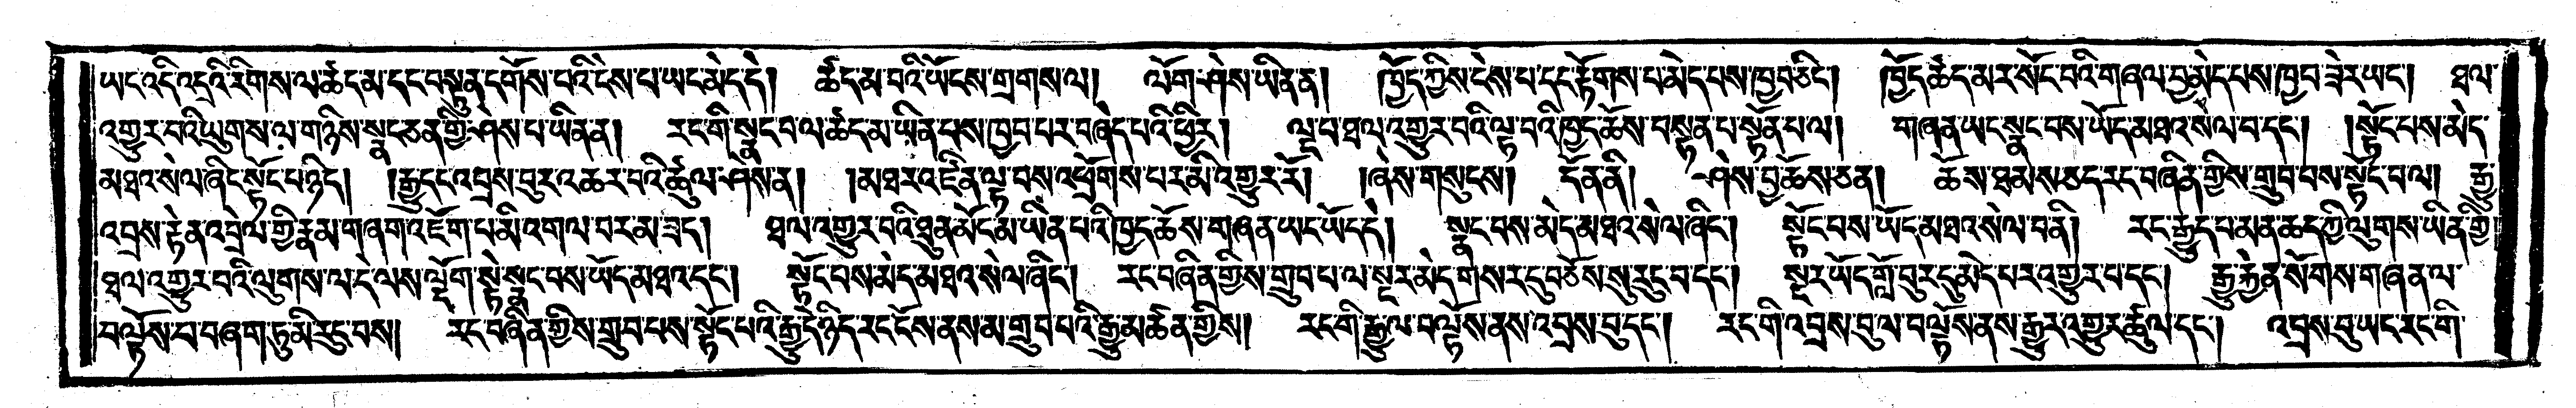ཡང་འདི་འདྲའི་རིགས་ལ་ཚད་མ་དང་བསྟུན་དགོས་པའི་ངེས་པ་ཡང་མེད་དེ། ཚད་མ་བའི་ཡོངས་གྲགས་ལ། ལོག་ཤེས་ཡིན་ན། ཁྱོད་ཀྱིས་ངེས་པ་དང་རྟོགས་པ་མེད་པས་ཁྱབ་ཅིང་། ཁྱོད་ཚད་མར་སོང་བའི་གཞལ་བྱ་མེད་པས་ཁྱབ་ཟེར་ཡང་། ཐལ་
གྱུར་བའི་ཡུགས་ལ་གཉིས་སྣང་ཅན་གྱི་ཤེས་པ་ཡིན་ན། རང་གི་སྣང་བ་ལ་ཚད་མ་ཡིན་པས་ཁྱབ་པར་བཞེད་པའི་ཕྱིར། ལྔ་བ་ཐལ་འགྱུར་བའི་ལྟ་བའི་ཁྱད་ཆོས་བསྟན་པ་སྟོན་པ་ལ། གཞན་ཡང་སྣང་བས་ཡོད་མཐའ་སེལ་བ་དང་། སྟོང་པས་མེད་
མཐའ་སེལ་ཞིང་སྟོང་པ་ཉིད། །རྒྱུ་དང་འབྲས་བུར་འཆར་བའི་ཚུལ་ཤེས་ན། །མཐར་འཛིན་ལྟ་བས་འཕྲོགས་པར་མི་འགྱུར་རོ། །ཞེས་གསུངས། དོན་ནི། ཤེས་བྱ་ཆོས་ཅན། ཆོས་ཐམས་ཅད་རང་བཞིན་གྱིས་གྲུབ་པས་སྟོང་པ་ལ། རྒྱུ་
འབྲས་རྟེན་འབྲེལ་གྱི་རྣམ་གཞག་འཇོག་པ་མི་འགལ་བར་མ་ཟད། ཐལ་འགྱུར་བའི་ཐུན་མོང་མ་ཡིན་པའི་ཁྱད་ཆོས་གཞན་ཡང་ཡོད་དེ། སྣང་བས་མེད་མཐའ་སེལ་ཞིང་། སྟོང་པས་ཡོད་མཐའ་སེལ་བ་ནི། རང་རྒྱུད་པ་མན་ཆད་ཀྱི་ལུགས་ཡིན་གྱི་
ཐལ་འགྱུར་བའི་ལུགས་ལ་དེ་ལས་ལྡོག་སྟེ་སྣང་བས་ཡོད་མཐའ་དང་། སྟོང་པས་མེད་མཐའ་སེལ་ཞིང་། རང་བཞིན་གྱིས་གྲུབ་པ་ལ་སྔར་མེད་གསར་དུ་བཅོས་སུ་རུང་བ་དང་། སྔར་ཡོད་གློ་བུར་དུ་མེད་པར་འགྱུར་པ་དང་། རྒྱུ་རྐྱེན་སོགས་གཞན་ལ་
བལྟོས་པ་བཞག་ཏུ་མི་རུང་བས། རང་བཞིན་གྱིས་གྲུབ་པས་སྟོང་པའི་རྒྱུ་དེ་ཉིད་རང་ངོས་ནས་མ་གྲུབ་པའི་རྒྱུ་མཚན་གྱིས། རང་གི་རྒྱུ་ལ་བལྟོས་ནས་འབྲས་བུ་དང་། རང་གི་འབྲས་བུ་ལ་བལྟོས་ནས་རྒྱུར་འགྱུར་ཚུལ་དང་། འབྲས་བུ་ཡང་རང་གི་